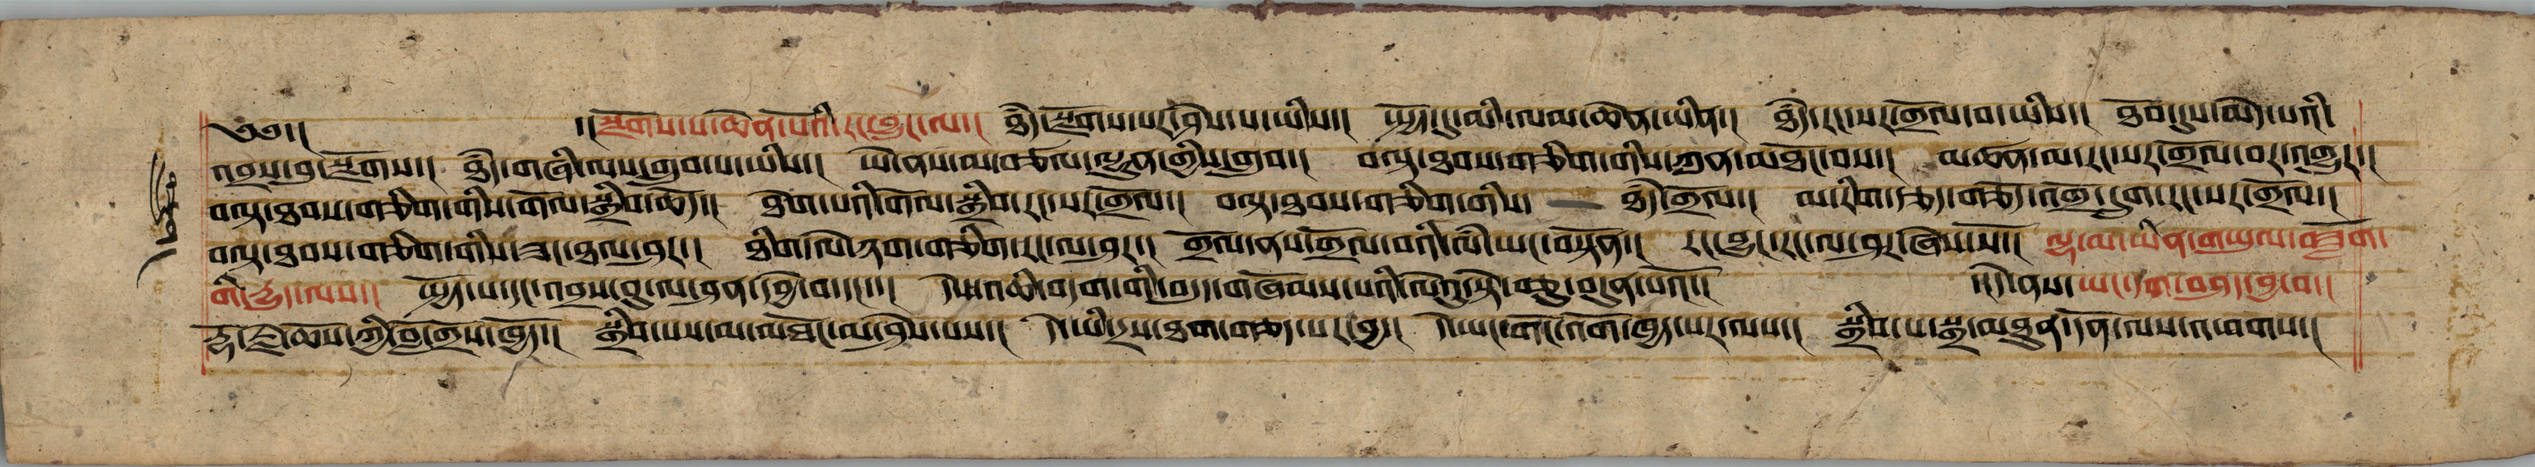༄༅་། ་།སྫོགས་པ་ཆེན་པོའི་རང་བྱུང་ལ་། ཐཾད་སྫོགས་པར་ཤེས་པ་ཡིས་། སྤྱོད་དུ་མི་ལམ་ཆེན་ཡིན་། ཐཾད་རང་སར་གྲོལ་བ་ཡིས་། ཐོབ་དུས་མེད་པའི་
འབྲད་བུ་སྫོགས་། ཐཾད་གཞི་ལས་གྲུབ་པ་ཡིས་། ཡེ་ནས་མ་ཙལ་ལྷུན་གྱིས་གྲུབ་། བལྟ་ཐབས་གཅིག་གིས་ཀུན་མཐོང་ནས་། མཚན་མ་རང་སར་གྲོལ་བར་འགྱུར་
བལྟ་ཐབས་གཅིག་གིས་གོལ་སྒྲིབ་ཆོད་། ཐོག་པའི་གོལ་སྒྲིབ་རང་སར་གྲོལ་། བལྟ་ཐབས་གཅིག་གིས་ ཐཾད་གྲོལ་། མ་རིག་རྩད་གཅོད་འགྲོ་དྲུག་རང་སར་གྲོལ་།
བལྟ་ཐབས་གཅིག་གིས་ཟང་ཐལ་ཤར་། ཐིག་ལེ་ཉག་གཅིག་རང་ལ་ཤར་། གྲོལ་ནས་གྲོལ་བའི་ལཾ་ཡང་བསྟོན་། རང་བྱུང་རང་ལ་ཤར་ཞེས་སོ་། ལྷ་མ་ཡིན་གཡུལ་བཟློག
གི་དྱུད་ལས་། སྤྱོད་པ་དང་འབྲས་བུ་ལ་ཤན་དབྱེ་བ་དང་་། དེས་འཆི་བདག་གི་བདུད་གཞོམས་པའི་ལེའུ་སྟེ་བཅུ་བདུན་པའོ་། ་།དེ་ནས་ཡང་དག་བཤད་བྱ་བ་།
རྡོ་རྗེ་ཆོས་ཀྱི་བློ་གྲོས་ཁྱོད་། སྒྲིབ་པས་མ་མཐོང་མ་ཤེས་པས་། དེ་ཡི་དྲས་ཐག་གཅོད་པར་བྱ་། དེ་ཡང་གོང་འོག་ཁྱད་པར་ལས་། སྒྲིབ་པ་སྒྲ་མཐུན་དོན་ལས་འཕགས་།